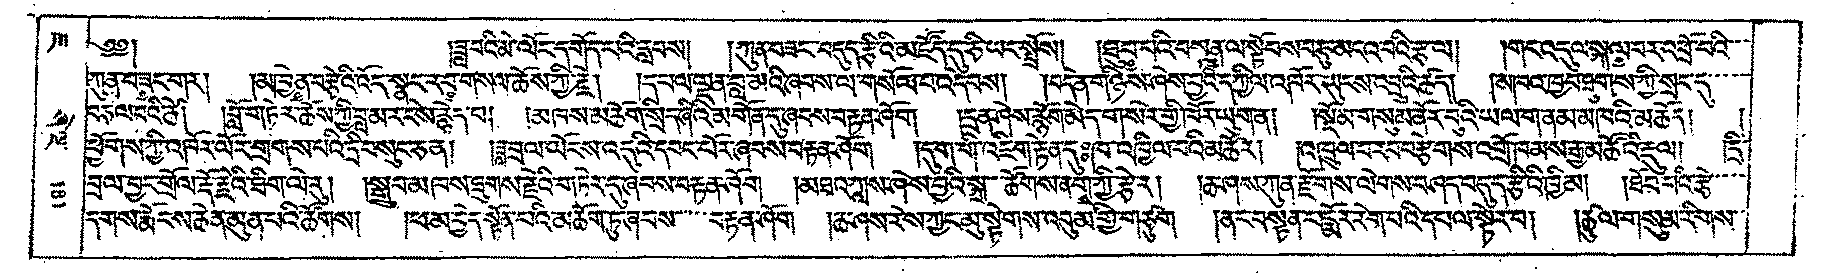༄༅། །ཟླ་བའི་མེ་ལོང་དགོད་པའི་རླབས། །ཀུན་བཟང་བདུད་རྩིའི་མཛོད་དུ་ཅི་ཡང་སྤྲོས། །ཐུབ྾་པའི་བསྟན྾་ལ་སྟོབས་བཅུ་མངའ་བའི་རྩ་ལ། །གང་འདུལ་སྐལ྾་བར་འཕྲོ་བའི་
ཀུན་བཟང྾་གར། །མཁྱེན྾་བརྩེའི་འོད་སྣང་རབ྾་གསལ་ཆོས་ཀྱི་རྗེ། །དཔལ་ལྡན་བླ་མའི་ཞབས་ལ་གསོལ་བ་འདེབས། །བདེན་གཉིས་ཤེས་བྱའི་དཀྱིལ་འཁོར་ཡུངས་འབྲུའི་ཚད། །མཁའ་ཁྱབ་ཐུགས་ཀྱི་སྲང་དུ་
བཅལ་བའི་ཚེ། །བློ་གཏེར་ཆོས་ཀྱི་བླ་མར་ངེས་རྙེད་པ། །མཁས་མཆོག་སྲིད་ཞིའི་མགོན་དུ་ཞབས་བརྟན་ཤོག །དྲན་ཤེས་རྙོག་མེད་གསེར་གྱི་ཁོར་ཡུག་ན། །སྡོམ་གསུམ་ནོར་བུའི་ཡལ་ག་ནམ་མཁའི་མཆོད། །
ཕྱོགས་ཀྱི་འཁོར་ལོར་གྲགས་པའི་དྲི་བསུང་ཅན། །ཟླ་བྲལ་ཡོངས་འདུའི་དབང་པོར་ཞབས་བརྟན་ཤོག །དུག་གི་འཇིག་རྟེན་དུཿ ཁ་འཁྱིལ་བའི་མཚོར། །འཁྲུལ་བ་རབ་བརྩེགས་འགྲོ་ཁམས་རྒྱ་མཚོའི་རྡུལ། །དྲི་
བྲལ་བྱང་གྲོལ་རྡོ་རྗེའི་ཐིག་ལེ་རུ། །སྒྲུབ་མཁས་ཐུགས་རྗེའི་གཏེར་དུ་ཞབས་བརྟན་ཤོག །མཐའ་ཀླས་ཤེས་བྱའི་སྐྲ་ཚོགས་ནགས་ཀྱི་རྩེར། །ཆ་ཤས་ཀུན་རྫོགས་ལེགས་བཤད་བདུད་རྩིའི་ཁྱིམ། །ཐོབ་པའི་རྩེ་
དགས་རྨོངས་ཆེན་མུན་པའི་ཚོགས། །ཕམ་བྱེད་སྟོན་པའི་མཆོག་ཏུ་ཞབས་བརྟན་ཤོག །ཆ་ཤས་རེས་ཀྱང་མུ་སྟེགས་འབུམ་གྱི་གཙུག །ནང་བསྟན་པདམོར་རེག་པའི་དཔལ་སྟེར་བ། །ཚུལ་གསུམ་རིགས་